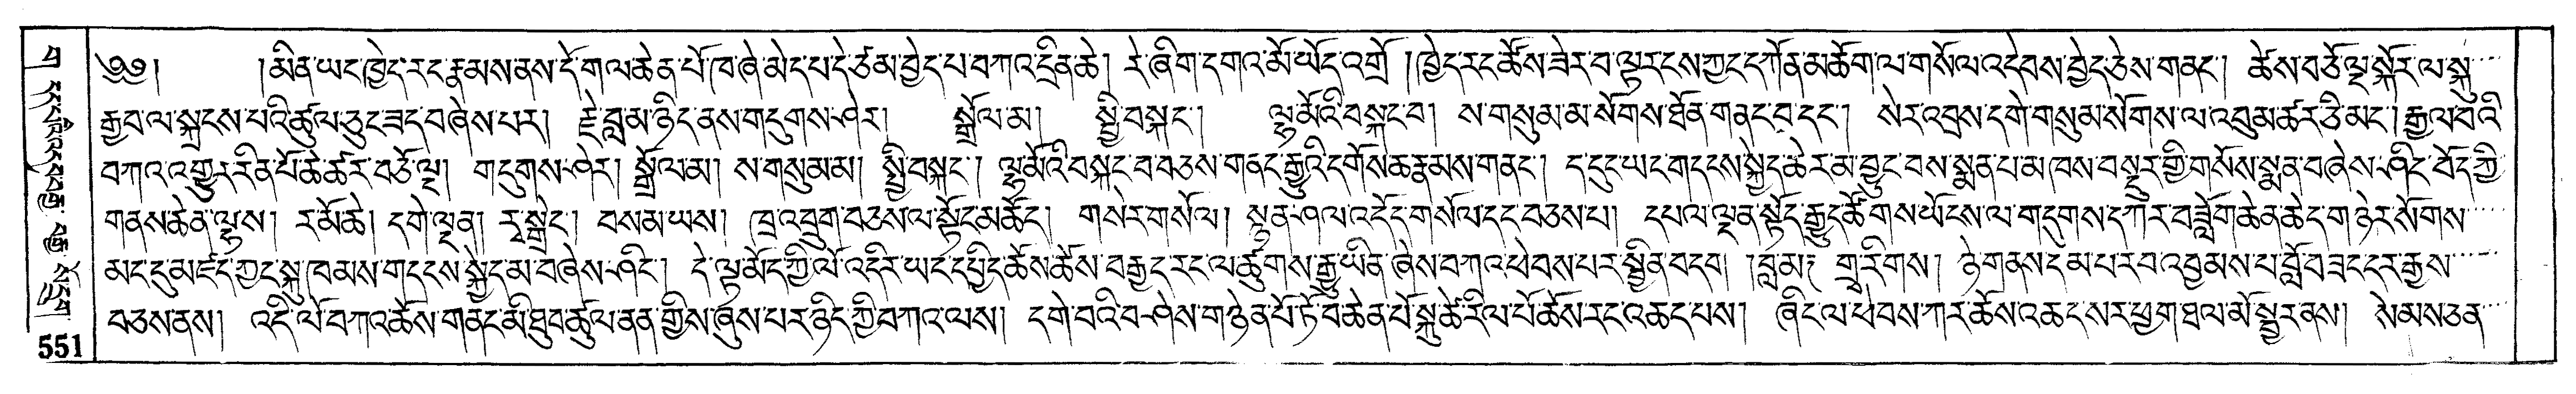༄༅། །མིན་ཡང་ཁྱེད་རང་རྣམས་ནས་དེ་གལ་ཆེན་པོ་ཁ་ཞེ་མེད་པ་དེ་ཙམ་བྱེད་པ་བཀའ་དྲིན་ཆེ། རེ་ཞིག་དགའ་མོ་ཡོང་འགྲོ་།ཁྱེད་རང་ཚོས་ཟེར་བ་ལྟར་ངས་ཀྱང་དཀོན་མཆོག་ལ་གསོལ་འདེབས་བྱེད་ཅེས་གནང་། ཚེས་བཅོ་ལྔ་སྐོར་ལ་སྐུ་
རྒྱབ་ལ་སྐྲངས་པའི་ཚུལ་ཅུང་ཟད་བཞེས་པར། རྗེ་བླ་མ་ཉིད་ནས་གདུགས་ཤེར། སྒྲོལ་མ། སྤྱི་བསྐང་། ལྷ་མོའི་བསྐང་བ། ས་གསུམ་མ་སོགས་ཐོན་གནང་བ་དང་། སེར་འབྲས་དགེ་གསུམ་སོགས་ལ་འབུམ་ཚར་ཅི་མང་། རྒྱལ་བའི་
བཀའ་འགྱུར་རིན་པོ་ཆེ་ཚར་བཅོ་ལྔ། གདུགས་ཤེར། སྒྲོལ་མ། ས་གསུམ་མ། སྤྱི་བསྐང་། ལྷ་མོའི་བསྐང་བ་བཅས་གནང་རྒྱུའི་དགོས་ཆ་རྣམས་གནང་། ད་དུང་ཡང་གདངས་སྐྱེད་ཆེར་མ་བྱུང་བས་སྨན་པ་མཁས་བསྡུར་གྱི་གསོས་སྨན་བཞེས་ཤིང་བོད་ཀྱི་
གནས་ཆེན་ལྷ་ས། ར་མོ་ཆེ། དགེ་ལྡན། རྭ་སྒྲེང་། བསམ་ཡས། ཁྲ་འབྲུག་བཅས་ལ་སྟོང་མཆོད། གསེར་གསོལ། སྙན་ཤལ་འདོད་གསོལ་དང་བཅས་པ། དཔལ་ལྡན་སྟོང་རྒྱུད་ཚོགས་ཡོངས་ལ་གདུགས་དཀར་བཟློག་ཆེན་ཆེད་གཉེར་སོགས་
མང་དུ་མཛད་ཀྱང་སྐུ་ཁམས་གདངས་སྐྱེད་མ་བཞེས་ཤིང་། དེ་ལྟ་མོད་ཀྱི་ལོ་འདིར་ཡང་དཔྱིད་ཆོས་ཚེས་བརྒྱད་རང་ལ་ཚུགས་རྒྱུ་ཡིན་ཞེས་བཀའ་ཕེབས་པར་སྦྱིན་བདག །བླ་མ། གྲྭ་རིགས། ཉེ་གནས་དམ་པ་རབ་འབྱམས་པ་བློ་བཟང་ངར་རྒྱས་
བཅས་ནས། འདི་ལོ་བཀའ་ཆོས་གནང་མི་ཐུབ་ཚུལ་ནན་གྱིས་ཞུས་པར་ཉིད་ཀྱི་བཀའ་ལས། དགེ་བའི་བཤེས་གཉེན་པོ་ཏོ་བ་ཆེན་པོ་སྐུ་ཚེ་རིལ་པོ་ཆོས་དང་འཆད་བས། ཞིང་ལ་ཕེབས་ཀར་ཆོས་འཆད་སར་ཕྱག་ཐལ་མོ་སྦྱར་ནས། སེམས་ཅན་